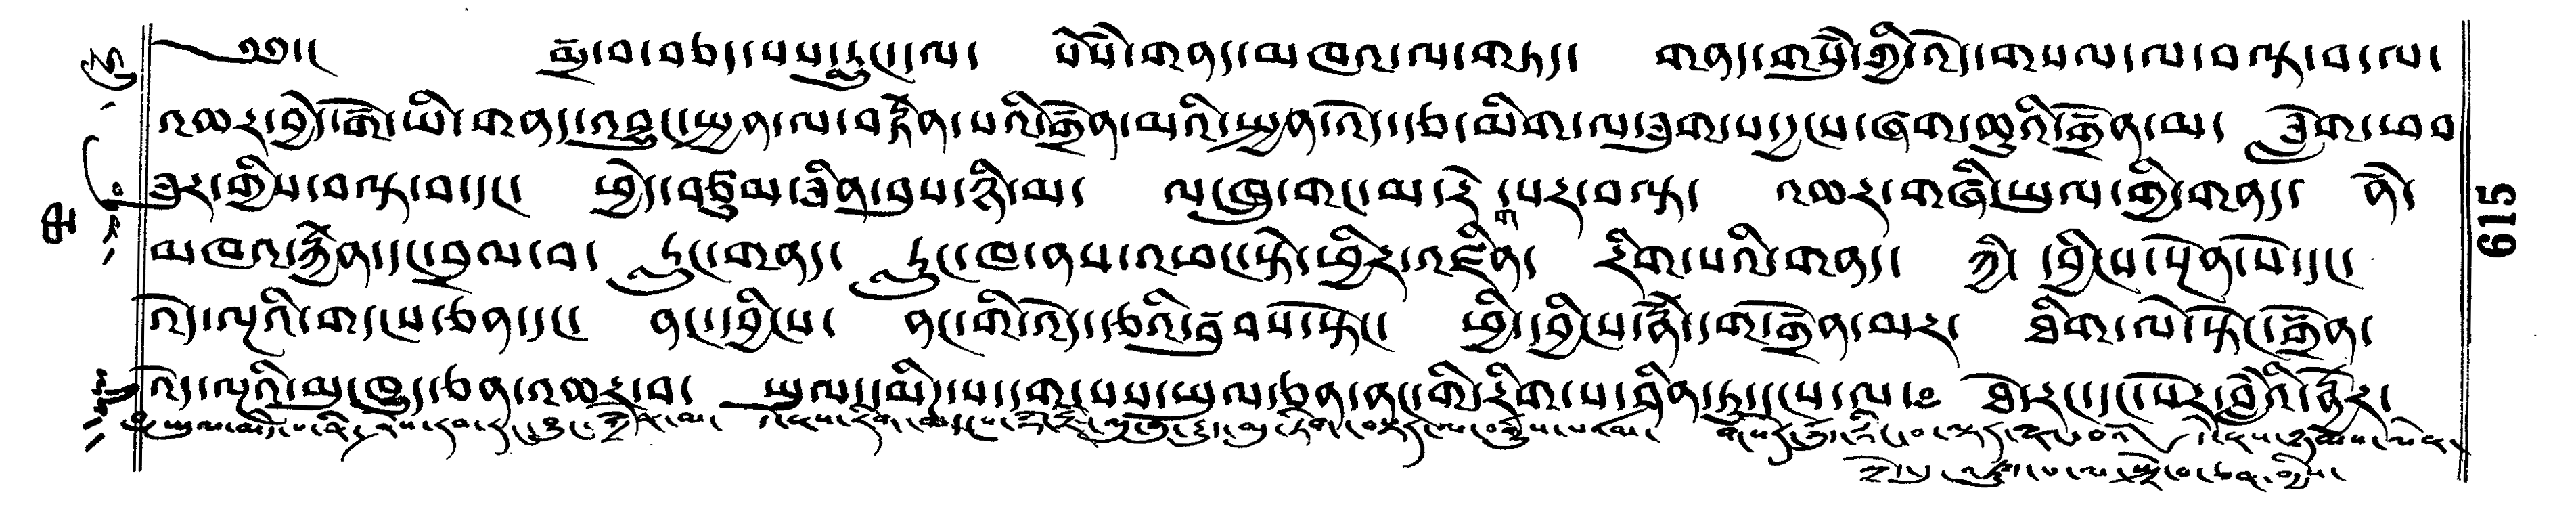སྨྲ་བ་བཅད་པས་རླུང་དལ། སེམས་གནད་མཁའ་ལ་གཏད། གནད་གསུམ་གྱིས་འོད་གསལ་ལ་བལྟ་བ་ལ་
འཆར་བྱེད་སྒོ་ཡི་གནད་འབྱུང་སྤྱན་ལ་བརྟེན་པའི་སྒྲོན་མའི་སྤྱན་འོད་རྩ་མིག་ལ་ཟུག་པ་རྒྱང་ཞགས་ཆུའི་སྒྲོན་མ། ཟློག་ཕབ་
ཟུར་གྱིས་བལྟ་བ་དང་། ཕྱེད་བཙུམ་ཟིམ་བུས་ཉི་མ་ ལ་ཁྲུ་གང་མ་རེག་པར་བལྟ། འཆར་གཞི་ཡུལ་གྱི་གནད་ ནམ་
མཁའ་རྐྱེན་དང་བྲལ་བ། རླུང་གནད་ རླུང་ཁ་ནས་འཕང་སྟེ་ཕྱིར་འཛིན། རིག་པའི་གནད་ ཕྱི་དབྱིངས་སྔོན་པོ་དང་། 
འོད་ལྔའི་གདངས་ཅན་དང་། ནང་དབྱིངས་ ནང་གི་འོད་རྩའི་སྦུབས་སྟོང་། ཕྱི་དབྱིངས་རྣམ་དག་སྒྲོན་མར། ཐིག་ལེ་སྟོང་སྒྲོན་
འོད་ལྔའི་མུ་ཁྱུད་ཅན་འཆར་བ། ཡུལ་དམིགས་པ་དག་པས་ཡུལ་ཅན་ནང་གི་རིག་པ་ཤིན་ཏུ་དྭངས་ལ། ཐོ་རངས་དང་པོར་བླ་མའི་རྣལ་འབྱོར།
ཡུལ་མེད་པ་ནི་ཤེས་རབ་རང་བྱུང་སྒྲོན་མ། དེ་ནས་རིག་ཆ་དྭངས་པ་རྡོ་རྗེ་ལུ་གུ་རྒྱུད་མུ་ཏིག་བསྟར་ལ་བརྒྱུས་པའམ། གསེར་སྐུད་ལྡེང་བ་ལྟར་སྣང་བའོ། དེ་ནས་ཉམས་ལེན་
སྲོད་དུ་འཛུད་པ་ལ་སྤྲོ་བ་ཅན་གྱིས་